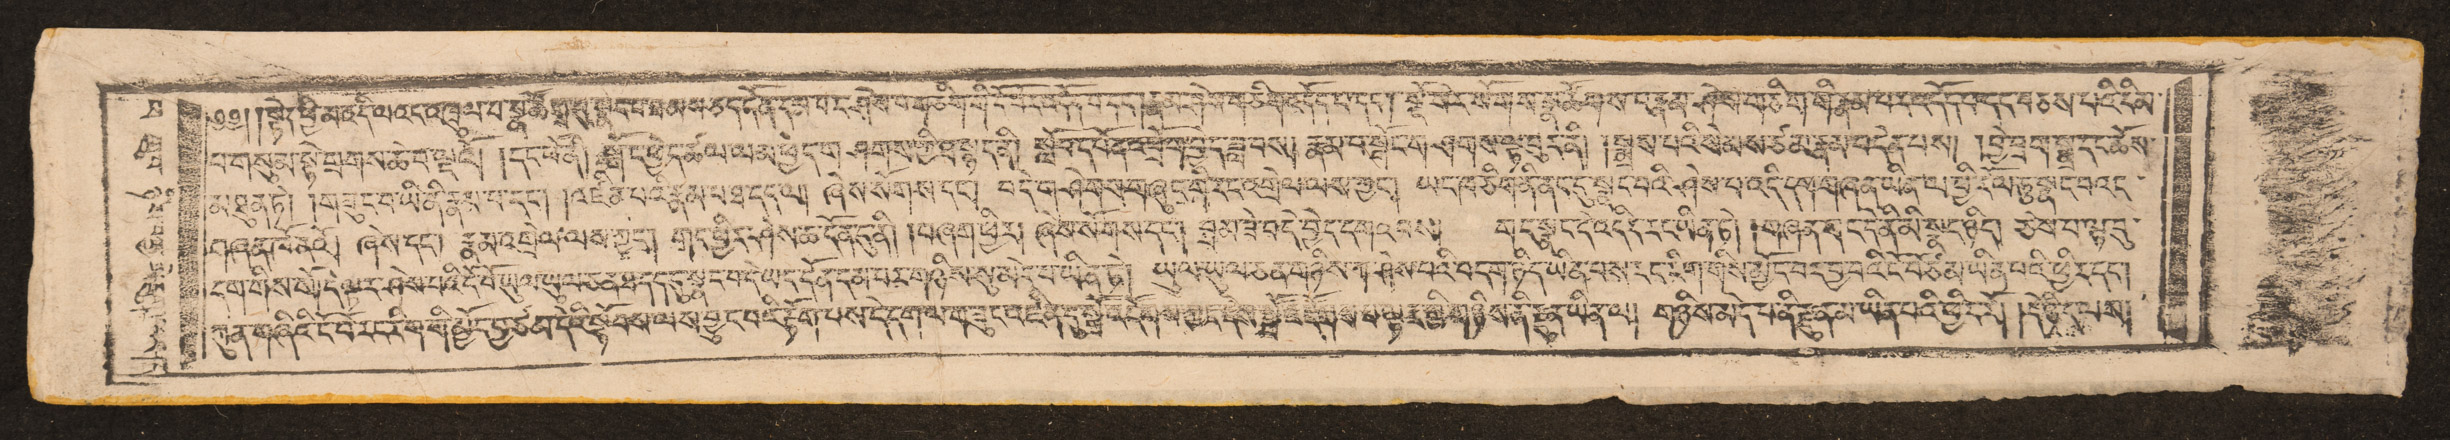༄༅། །སྟེ༑ ཕྱི་མ་འདི་ལའང་འཁྲུལ་པ་སྣ་ཚོགས་སུ་སྣང་བ་ཐམས་ཅད་དོན་དམ་པར་ཤེས་པ་གཅིག་གི་ངོ་བོར་འདོད་པ་དང་། རྣམ་ཤེས་གཅིག་འདོད་པ་དང་། སྡོ་སེར་སོགས་སྣ་ཚོགས་པ་རྣམ་ཤེས་གཅིག་གི་རྣམ་པར་འདོད་པ་དང་བཅས་པའི་རིམ་
པ་གསུམ་སྟེ་གྲགས་ཆེ་བ་ལྔའོ། །དང་པོ་ནི། སྒོང་ཕྱེད་ཚལ་ལམ་ཕྱེད་གཤགས་ཀྱི་ཐ་སྙད་ནི། སློབ་དཔོན་འཕྲོག་བྱེད་ཟླ་བས། རྣམ་བ་སྒོང་གཤགས་ལྟ་བུར་ནི། །སྨྲས་པའི་སེམས་ཙམ་རྣམ་བདེན་པས། །བྱེ་བྲག་སྨྲ་དང་ཆོས་
མཐུན་ཏེ། །གཟུང་བ་ཡི་ནི་རྣམ་པ་དང་། །འཛིན་པའི་རྣམ་པ་ཐ་དད་ལ། ཞེས་སོགས་དང་། བདེ་གཤེགས་གཞུང་གི་རང་འགྲེལ་ལས་ཀྱང་། ཡང་ཁ་ཅིག་ནི་ནང་དུ་སྣང་བའི་ཤེས་པ་འདི་དག་གཞན་ཡིན་ལ་ཕྱི་རོལ་ཏུ་སྣང་བའང་
གཞན་ཁོ་ནའོ། ཞེས་དང་། རྣམ་འགྲེལ་ལས་ཀྱང་། གང་ཕྱིར་ཤེས་ཆ་དོན་དུ་ནི། །བཞག་ཕྱིར། ཞེས་སོགས་དང་། བྲམ་ཟེ་བདེ་བྱེད་དགའ་བས། གང་སྣང་དེ་འདིར་རང་ཡིན་ཏེ། །གཞན་གང་དེ་ནི་མི་སྣང་ཉིད། ཅེས་པ་ལྟ་བུ་
དག་གིས་སོ། དེ་ལྟར་ཤེས་པའི་ངོ་བོ་ཡུལ་ཡུལ་ཅན་ཐ་དད་དུ་སྣང་བ་དེ་ཡང་དོན་དམ་པར་གཉིས་སུ་མེད་པ་ཡིན་ཏེ། ཡུལ་ཡུལ་ཅན་གཉིས་ཀ་ཤེས་པའི་བདག་ཉིད་ཡིན་པས་རང་རིག་གིས་མྱོང་པར་བྱ་བའི་ངོ་བོ་ཙམ་ཡིན་པའི་ཕྱིར་དང་།
ཀུན་གཞིའི་ངོ་བོ་རང་རིག་གི་མྱོང་བྱ་ཙམ་དེའི་སྟོབས་ལས་བྱུང་བའི་རྟོག་པས་དེ་དག་ལ་གཟུང་འཛིན་དུ་སྒྲོ་འདོགས་ཀྱང་དེས་སྒྲོ་འདོགས་པ་ལྟར་གྱི་གཉིས་ནི་རྫུན་ཡིན་ལ། གཉིས་མེད་པ་ནི་རྫུན་མ་ཡིན་པའི་ཕྱིར་རོ། །དེ་ཉིད་ལས།